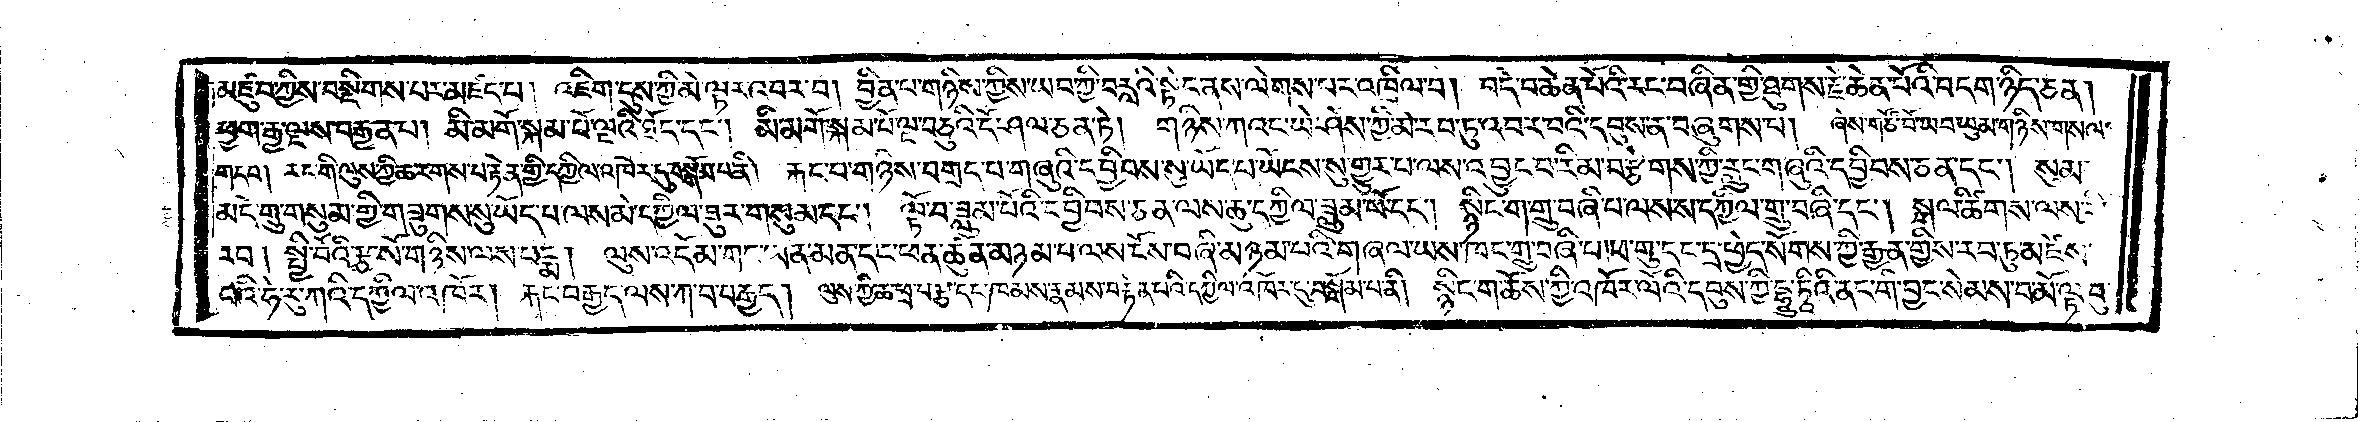མཛུབ་ཀྱིས་བསྡིགས་པར་མཛད་པ། འཇིག་དུས་ཀྱི་མེ་ལྟར་འབར་བ། བྱིན་པ་གཉིས་ཀྱིས་ཡབ་ཀྱི་བརླའི་སྟེང་ནས་ལེགས་པར་འཁྲིལ་བ། བདེ་བ་ཆེན་པོའི་རང་བཞིན་གྱི་ཐུགས་རྗེ་ཆེན་པོའི་བདག་ཉིད་ཅན།
ཕྱག་རྒྱ་ལྔས་བརྒྱན་པ། མི་མགོ་སྐམ་པོ་ལྔའི་ཐོད་དང་། མི་མགོ་སྐམ་པོ་ལྔ་བཅུའི་དོ་ཤལ་ཅན་ཏེ། གཉིས་ཀའང་ཡེ་ཤེས་ཀྱི་མེ་རབ་ཏུ་འབར་བའི་དབུས་ན་བཞུགས་པ། ཞེས་གཙོ་བོ་ཡབ་ཡུམ་གཉིས་གསལ་
གདབ། རང་གི་ལུས་ཀྱི་ཆ་རགས་པ་རྟེན་གྱི་དཀྱིལ་འཁོར་དུ་བསྒོམ་པ་ནི། རྐང་པ་གཉིས་བགྲད་པ་གཞུའི་དབྱིབས་སུ་ཡོད་པ་ཡོངས་སུ་གྱུར་པ་ལས་འབྱུང་བ་རིམ་བརྩེགས་ཀྱི་རླུང་གཞུའི་དབྱིབས་ཅན་དང་། སུམ་
མདོ་གྲུ་གསུམ་གྱི་གཟུགས་སུ་ཡོད་པ་ལས་མེ་དཀྱིལ་ཟུར་གསུམ་དང་། ལྟོ་བ་ཟླུམ་པོའི་དབྱིབས་ཅན་ལས་ཆུ་དཀྱིལ་ཟླུམ་པོ་དང་། སྙིང་ག་གྲུ་བཞི་པ་ལས་ས་དཀྱིལ་གྲུ་བཞི་དང་། སྒལ་ཚིགས་ལས་རི་
རབ། སྤྱི་བོའི་རྩ་སོ་གཉིས་ལས་པདམ། ལུས་འདོམ་གང་ཡན་མན་དང་ཕན་ཚུན་མཉམ་པ་ལས་ངོས་བཞི་མཉམ་པའི་གཞལ་ཡས་ཁང་གྲུ་བཞི་པ་།ཕ་གུ་དང་དྲ་ཕྱེད་སོགས་ཀྱི་རྒྱན་གྱིས་རབ་ཏུ་མཛེས་
བའི་ཧེ་རུ་ཀའི་དཀྱིལ་འཁོར། རྐང་བརྒྱད་ལས་ཀ་བ་བརྒྱད། ལུས་ཀྱི་ཆ་ཕྲ་བ་རྩ་དང་ཁམས་རྣམས་བརྟེན་པའི་དཀྱིལ་འཁོར་དུ་བསྒོམ་པ་ནི།  སྙིང་ག་ཆོས་ཀྱི་འཁོར་ལོའི་དབུས་ཀྱི་དྷཱུ་ཏཱིའི་ནང་གི་བྱང་སེམས་བ་མོ་ལྟ་བུ་